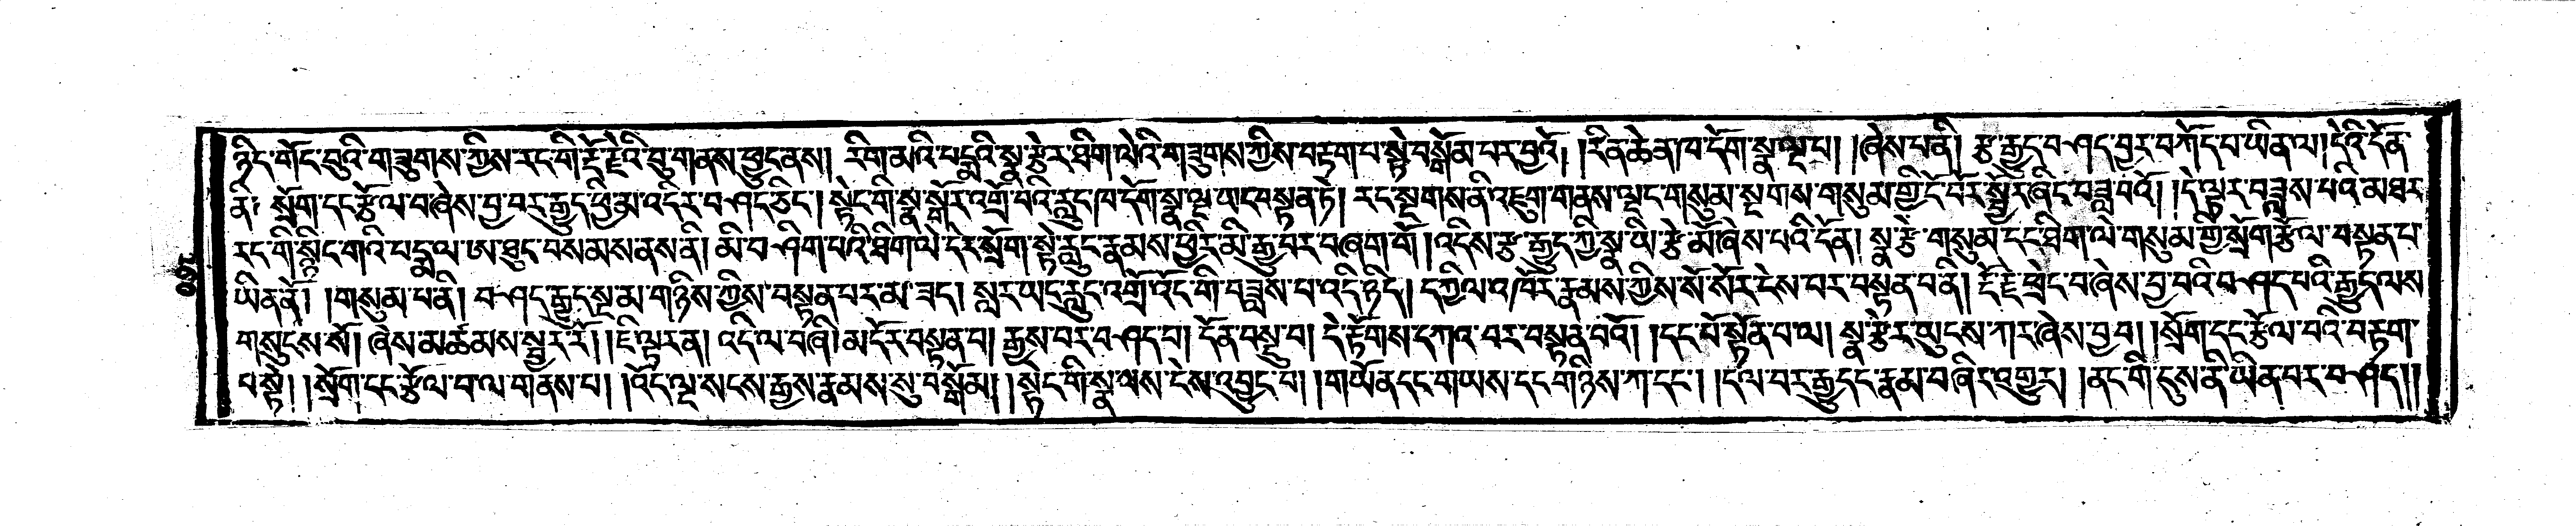ཉིད་གོང་བུའི་གཟུགས་ཀྱིས་རང་གི་རྡོ་རྗེའི་བུ་ག་ནས་ཕྱུང་ནས། རིག་མའི་པདམའི་སྣ་རྩེར་ཐིག་ལེའི་གཟུགས་ཀྱིས་བརྟག་པ་སྟེ་བསྒོམ་པར་བྱའོ། །རིན་ཆེན་ཁ་དོག་སྣ་ལྔ་པ། །ཞེས་པ་ནི། རྩ་རྒྱུད་བཤད་བྱར་བཀོད་པ་ཡིན་ལ། དེའི་དོན་
ནི༑ སྲོག་དང་རྩོལ་བ་ཞེས་བྱ་བར་རྒྱུད་ཕྱི་མ་འདིར་བཤད་ཅིང་། སྟེང་གི་སྣ་སྒོར་འགྲོ་བའི་རླུང་ཁ་དོག་སྣ་ལྔ་ཡང་བསྟན་ཏེ། རང་སྔགས་ནི་འཇུག་གནས་ལྡང་གསུམ་སྔགས་གསུམ་གྱི་ངོ་བོར་སྦྱོར་ཞིང་བཟླ་བའོ། །དེ་ལྟར་བཟླས་པའི་མཐར་
རང་གི་སྙིང་གའི་པདམ་ལ་ཨ་ཐུང་བསམས་ནས་ནི། མི་བཤིག་པའི་ཐིག་ལེ་དེར་སྲོག་སྟེ་རླུང་རྣམས་ཕྱིར་མི་རྒྱུ་བར་བཞག་གོ །འདིས་རྩ་རྒྱུད་ཀྱི་སྣ་ཡི་རྩེ་མོ་ཞེས་པའི་དོན། སྣ་རྩེ་གསུམ་དང་ཐིག་ལེ་གསུམ་གྱི་སྲོག་རྩོལ་བསྟན་པ་
ཡིན་ནོ། །གསུམ་པ་ནི། བཤད་རྒྱུད་སྔ་མ་གཉིས་ཀྱིས་བསྟན་པར་མ་ཟད། སླར་ཡང་རླུང་འགྲོ་འོང་གི་བཟླས་པ་འདི་ཉིད། དཀྱིལ་འཁོར་རྣམས་ཀྱིས་སོ་སོར་ངེས་པར་བསྟན་པ་ནི། རྡོ་རྗེ་ཕྲེང་བ་ཞེས་བྱ་བའི་བཤད་པའི་རྒྱུད་ལས་
གསུངས་སོ། ཞེས་མཚམས་སྦྱར་རོ། །ཇི་ལྟར་ན། འདི་ལ་བཞི། མདོར་བསྟན་པ། རྒྱས་པར་བཤད་པ། དོན་བསྡུ་བ། དེ་རྟོགས་དཀའ་བར་བསྟན་པའོ། །དང་པོ་སྟོན་པ་ལ། སྣ་རྩེར་ཡུངས་ཀར་ཞེས་བྱ་བ། །སྲོག་དང་རྩོལ་བའི་བརྟག་
པ་སྟེ། །སྲོག་དང་རྩོལ་བ་ལ་གནས་པ། །འོད་ལྔ་སངས་རྒྱས་རྣམས་སུ་བསྒོམ། །སྟེང་གི་སྣ་ལས་ངེས་འབྱུང་བ། །གཡོན་དང་གཡས་དང་གཉིས་ཀ་དང་། །དལ་བར་རྒྱུད་པ་རྣམ་བཞིར་འགྱུར། །ནང་གི་དུས་ནི་ཡིན་པར་བཤད། །